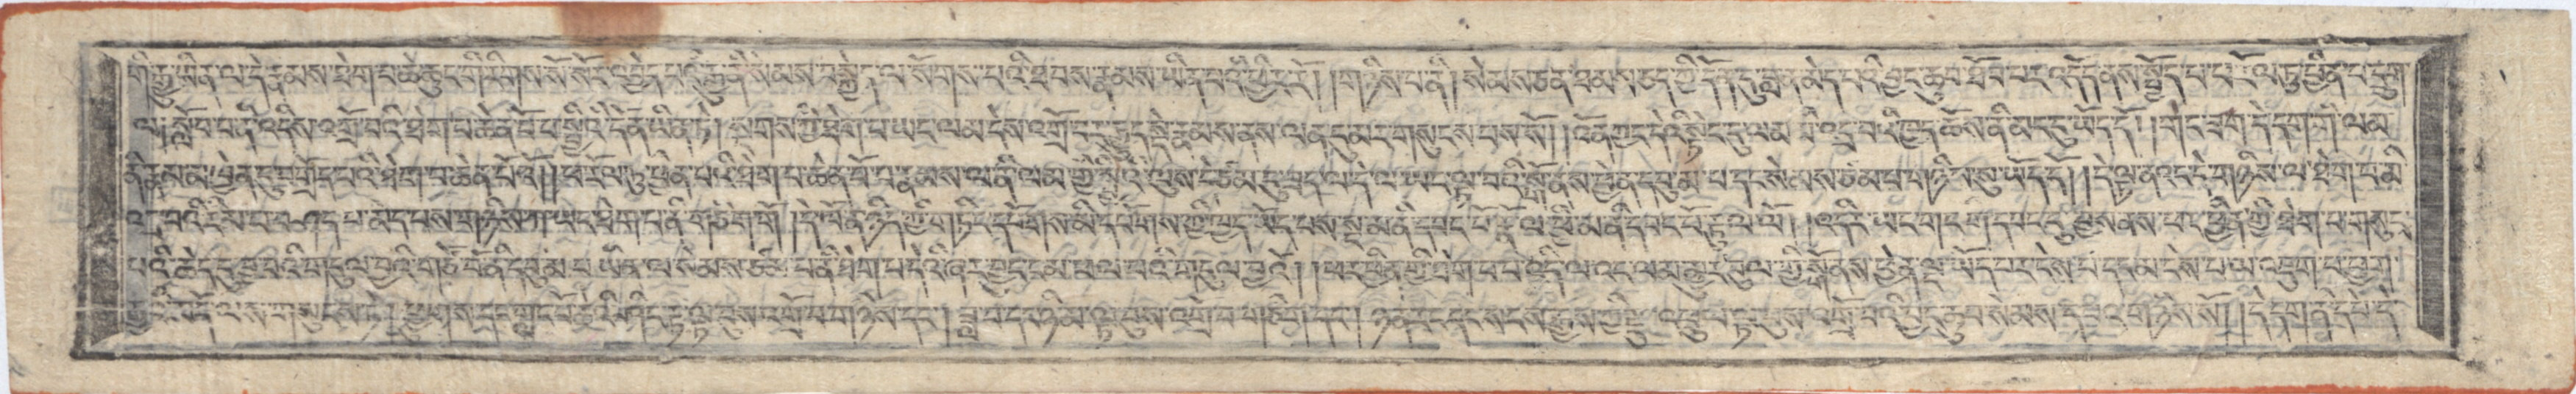གི་རྒྱུ་ཡིན་ལ་དེ་རྣམས་ཐེག་པ་ཆེ་ཆུང་གི་རིགས་སོ་སོར་འབྱེད་པའི་རྒྱུ་ནི་སེམས་བསྐྱེད་ལ་སོགས་པའི་ཐབས་རྣམས་ཡིན་པའི་ཕྱིར་རོ། །གཉིས་པ་ནི། སེམས་ཅན་ཐམས་ཅད་ཀྱི་དོན་དུ་བླ་ན་མེད་པའི་བྱང་ཆུབ་ཐོབ་པར་འདོད་ནས་སྤྱོད་པ་ཕ་རོལ་ཏུ་ཕྱིན་པ་དྲུག་
ལ། སློབ་པ་ནི་འདིས་འགྲོ་བའི་ཐེག་པ་ཆེན་པོ་པ་སྤྱིའི་དོན་ཡིན་ཏེ། སྔགས་ཀྱི་ཐེག་པ་ཡང་ལམ་དེས་འགྲོ་བར་རྒྱུད་སྡེ་རྣམས་ནས་ལན་དུ་མར་གསུངས་པས་སོ། །འོན་ཀྱང་དེའི་སྟེང་དུ་ལམ་མི་འདྲ་བའི་ཁྱད་ཆོས་ནི་མང་དུ་ཡོད་དོ། །གང་ཟག་དེ་དག་གི་ལམ་
ནི་རྣམ་མཁྱེན་དུ་བགྲོད་པའི་ཐེག་པ་ཆེན་པོའོ། །ཕ་རོལ་ཏུ་ཕྱིན་པའི་ཐེག་པ་ཆེན་པོ་པ་རྣམས་ལ་ནི་ལམ་གྱི་སྤྱིའི་ལུས་དེ་ཙམ་དུ་ཟད་ལ་དེ་ལ་ཡང་ལྟ་བའི་སྒོ་ནས་ཕྱེ་ན་དབུ་མ་པ་དང་སེམས་ཙམ་པ་གཉིས་སུ་ཡོད་དོ། །དེ་ལྟ་ནའང་དེ་གཉིས་ལ་ཐེག་པ་མི་
འདྲ་བའི་རིམ་པ་བཤད་པ་མེད་པས་གཉིས་ཀ་ཡང་ཐེག་པ་ནི་གཅིག་གོ །དེ་ཁོ་ན་ཉིད་ཀྱི་གཏིང་དཔོགས་མི་དཔོགས་ཀྱི་ཁྱད་ཡོད་པས་སྔ་མ་ནི་དབང་པོ་རྣོ་ལ་ཕྱི་མ་ནི་དབང་པོ་རྟུལ་ལོ། །འདིར་ཡང་གང་གི་དབང་དུ་བྱས་ནས་ཕར་ཕྱིན་གྱི་ཐེག་པ་གསུངས་
པའི་ཆེད་དུ་བྱ་བའི་གདུལ་བྱའི་གཙོ་བོ་ནི་དབུ་མ་པ་ཡིན་ལ་སེམས་ཙམ་པ་ནི་ཐེག་པ་དེའི་ཞར་བྱུང་ངམ་ཕལ་པའི་གདུལ་བྱའོ། །ཕར་ཕྱིན་གྱི་ཐེག་པ་པ་འདི་ལ་འང་ལམ་མྱུར་བུལ་གྱི་སྒོ་ནས་ཕྱེན་ལྔ་ཡོད་པར་ངེས་པ་དང་མ་ངེས་པ་ལ་འཇུག་པ་ཕྱག་
རྒྱའི་མདོ་ལས་གསུངས་ཏེ། ཕྱུགས་དང་གླང་པོ་ཆེའི་ཤིང་རྟ་ལྟ་བུས་འགྲོ་བ་གཉིས་དང་། ཟླ་བ་དང་ཉི་མ་ལྟ་བུས་འགྲོ་བ་གཅིག་དང་། ཉན་རང་དང་སངས་རྒྱས་ཀྱི་རྫུ་འཕྲུལ་ལྟ་བུས་འགྲོ་བའི་བྱང་ཆུབ་སེམས་དཔའ་གཉིས་སོ། །དེ་དག་ནི་དཔེ་དེ་